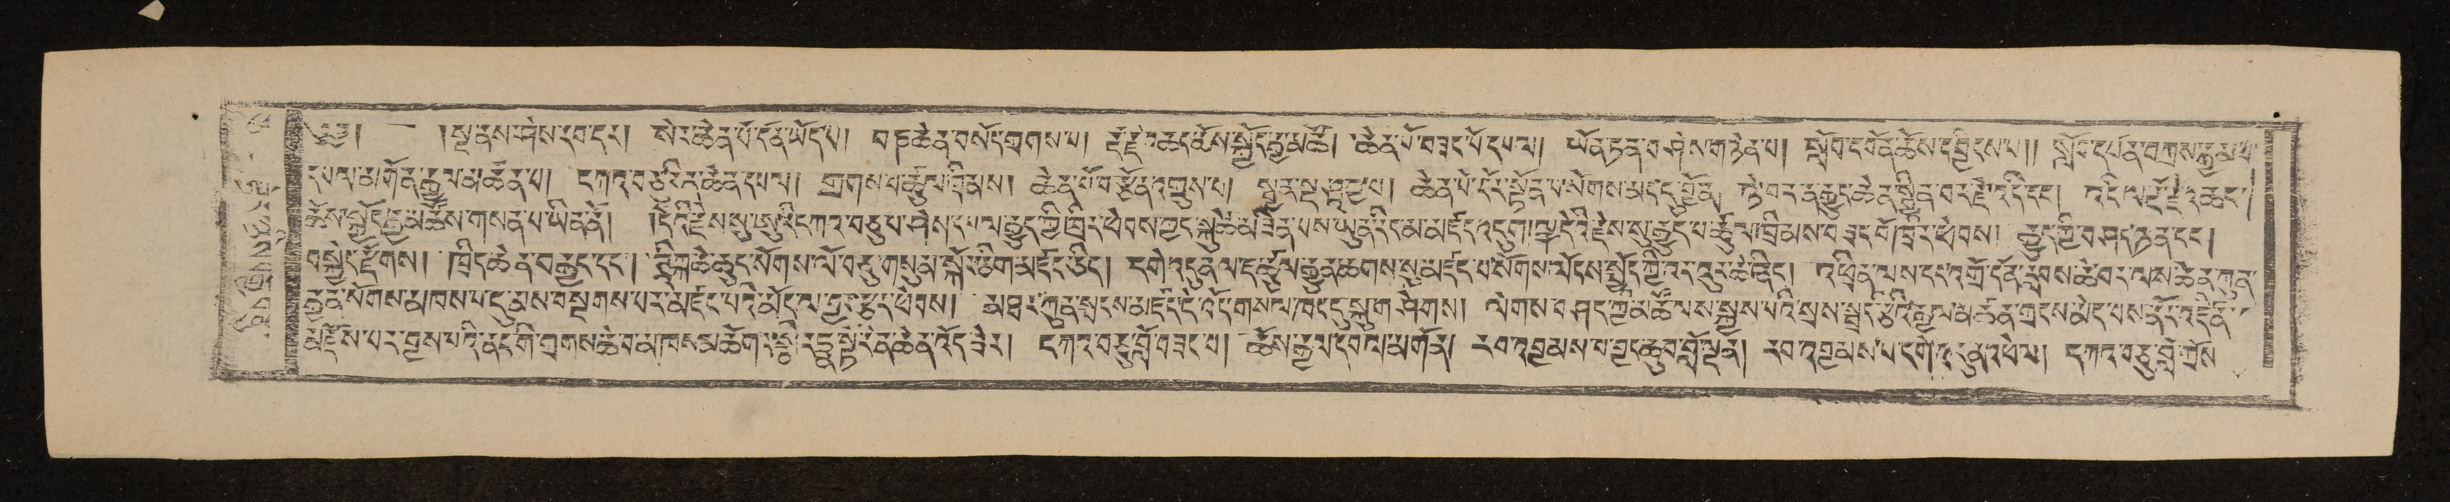༄༅། །སྔ་ནས་ཤེས་རབ་དར། སེར་ཆེན་པོ་དོན་ཡོད་པ། པཎ་ཆེན་བསོད་གྲགས་པ། རྡོ་རྗེ་འཆང་ཆོས་སྐྱོང་རྒྱ་མཚོ། ཆེན་པོ་བཟང་པོ་དཔལ། ཡོན་ཏན་བཤེས་གཉེན་པ། སློབ་དཔོན་ཆོས་དབྱིངས་པ། སློབ་དཔོན་བཀྲས་རྒྱམ་པ།
དཔལ་མགོན་རྒྱལ་མཚན་པ། དཀའ་བཅུ་རིན་ཆེན་དཔལ། གྲགས་པ་ཚུལ་ཁྲིམས། ཆེན་པོ་བརྩོན་འགྲུས་པ། སྤྱན་སྔ་ཤཱཀྱ་པ། ཆེན་པོ་དོར་སྟོན་པ་སོགས་མང་དུ་བྱོན། ཉེ་བར་ན་རྒྱུད་ཆེན་སྦྱིན་པར་རྗེ་འདི་དང་། འདི་ལ་རྡོ་རྗེ་འཆང་
ཆོས་སྐྱོང་རྒྱ་མཚོས་གསན་པ་ཡིན་ནོ། །དེའི་རྗེས་སུ་ཨུ་རི་དཀའ་བཅུ་བ་ཤེས་དཔལ་རྒྱུད་ཀྱི་ཁྲིར་ཕེབས་ཀྱང་སྐུ་ཚེ་མ་ཟིན་པས་ཡུན་རིང་མ་མཛད་འདུག། ༈ དེའི་རྗེས་སུ་རྒྱུད་པ་ཚུལ་ཁྲིམས་བཟང་པོ་ཁྲིར་ཕེབས། རྒྱུད་ཀྱི་བཤད་ཉན་དང་།
བསྐྱེད་རྫོགས། ཁྲིད་ཆེན་བརྒྱད་དང་། ཊཱིཀྐ་ཆེ་ཆུང་སོགས་ལོ་བཅུ་གསུམ་སྐོར་ཅིག་མཛད་ཅིང་། དགེ་འདུན་ལ་ཇ་ཚུལ་རྒྱུན་ཆགས་སུ་མཛད་པ་སོགས་ལོངས་སྤྱོད་ཀྱིའར་འུར་ཆེ་ཞིང་། འཕྲིན་ལས་དང་འགྲོ་དོན་རླབས་ཆེ་བར་ལས་ཆེན་ཀུན་
རྒྱན་སོགས་མཁས་པ་དུ་མས་བསྔགས་པར་མཛད་པའི་མདོ་ལ་བྱང་རྩེར་ཕེབས། མཐར་ཀུན་སྤངས་མཛད་དེ་འོད་གསལ་ཁང་དུ་སྐུ་གཤེགས། ལེགས་བཤད་ཀྱི་མཚོ་ལས་སྐྱེས་པའི་སྲས་སྦྲང་རྩིའི་རྒྱལ་མཚན་གྲངས་མེད་པས་ནོར་འཛིན་
མཛེས་པར་བྱས་པའི་ནང་གི་གྲགས་ཆེ་བ་མཁས་མཆོག་རས་མི་རཏྣ་སྟེ་རིན་ཆེན་འོད་ཟེར། དཀའ་བཅུ་བློ་བཟང་པ། ཆོས་རྒྱལ་དཔལ་མགོན། རབ་འབྱམས་པ་བྱང་ཆུབ་བློ་ལྡན། རབ་འབྱམས་པ་དགེ་འདུན་འཕེལ། དཀའ་བཅུ་བློ་གྲོས་